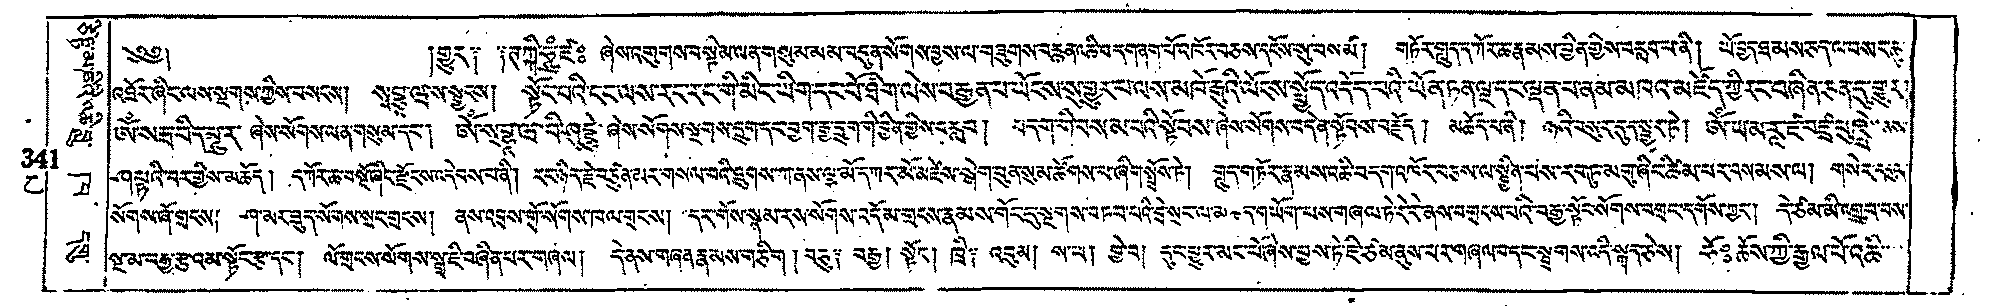༄༅། །གྱུར༑ ༑ཊཀྐི་ཧཱུཾ་ཛཿ ཞེས་འགུགས་བསྟིམ་ལན་གསུམ་མམ་བདུན་སོགས་བྱས་ལ་གཟུགས་བརྙན་འཆི་བདག་ནག་པོ་འཁོར་བཅས་དངོས་སུ་བསམ། གཏོར་གླུད་དཀོར་ཆ་རྣམས་བྱིན་གྱིས་བརླབ་པ་ནི། ཡོ་བྱད་ཐམས་ཅད་ལ་བསང་ཆུ་
འཐོར་ཞིང་ལས་སྔགས་ཀྱིས་བསངས། སྭབྷཱ་ཝས་སྦྱངས། སྟོང་པའི་ངང་ལས་རང་རང་གི་མིང་ཡིག་དང་པོ་ཐིག་ལེས་བརྒྱན་པ་ཡོངས་སུ་གྱུར་པ་ལས་མཁོ་རྒུའི་ལོངས་སྤྱོད་འདོད་པའི་ཡོན་ཏན་ལྔ་དང་ལྡན་པ་ནམ་མཁའ་མཛོད་ཀྱི་རང་བཞིན་ཅན་དུ་གྱུར།
ཨོཾ་སརྦ་བིད་པཱུ་ར་ཞེས་སོགས་ལན་གསུམ་དང་། ཨོཾ་སྭ་བྷཱ་ཝ་བི་ཤུདྡྷེ་ཞེས་སོགས་སྔགས་དྲུག་དང་ཕྱག་རྒྱ་དྲུག་གི་བྱིན་གྱིས་བརླབ། བདག་གི་བསམ་པའི་སྟོབས་ཞེས་སོགས་བདེན་སྟོབས་བརྗོད། མཆོད་པ་ནི། ཉའི་བསུར་དུད་སྦྱར་ཏེ། ཨོཾ་ཡ་མ་རཱ་ཛ་བྫྲ་པུཥྤེ་ནས་
ཤཔྟའི་བར་གྱིས་མཆོད། དཀོར་ཆ་བསྔོ་ཞིང་རྫོངས་འདེབས་པ་ནི། རང་ཉིད་རྗེ་བཙུན་མར་གསལ་བའི་ཐུགས་ཀ་ནས་ལྷ་མོ་དཀར་མོ་མཛེས་སྒེག་ཕུན་སུམ་ཚོགས་པ་ཞིག་སྤྲོས་ཏེ། གླུད་གཏོར་རྣམས་འཆི་བདག་འཁོར་བཅས་ལ་སྦྱིན་པས་རབ་ཏུ་མགུ་ཞིང་ཚིམ་པར་བསམས་ལ། གསེར་དངུལ་
སོགས་ཞོ་གྲངས། ཤ་མར་ཐུད་སོགས་སྲང་གྲངས། ནས་འབྲས་གྲོ་སོགས་ཁལ་གྲངས། དར་གོས་སྣམ་རས་སོགས་འདོམ་གྲངས་རྣམས་གོང་དུ་སྔགས་བཏབ་པའི་བྲེ་སྲང་ལ་མཆད་གཡོག་པས་གཞལ་ཏེ་རེ་རེ་ནས་བགྲངས་པའི་བརྒྱ་སྟོང་སོགས་བགྲང་དགོས་ཀྱང་། དེ་ཙམ་མི་འགྲུབ་པས་
སྔ་མ་བརྒྱ་རྩའམ་སྟོང་རྩ་དང་། ལོ་གྲངས་སོགས་སྒྲ་ཇི་བཞིན་པར་གཞལ། དེ་ནས་གཞན་རྣམས་གཅིག །བཅུ༑ བརྒྱ། སྟོང་། ཁྲི༑ འབུམ། ས་ཡ། བྱེ་བ། དུང་ཕྱུར་མང་པོ་ཞེས་བྱས་ཏེ་ཇི་ཙམ་ནུས་པར་གཞལ་བ་དང་སྦྲགས་འདི་སྐད་ཅེས། ཧོཿ ཆོས་ཀྱི་རྒྱལ་པོ་འཆི་་་